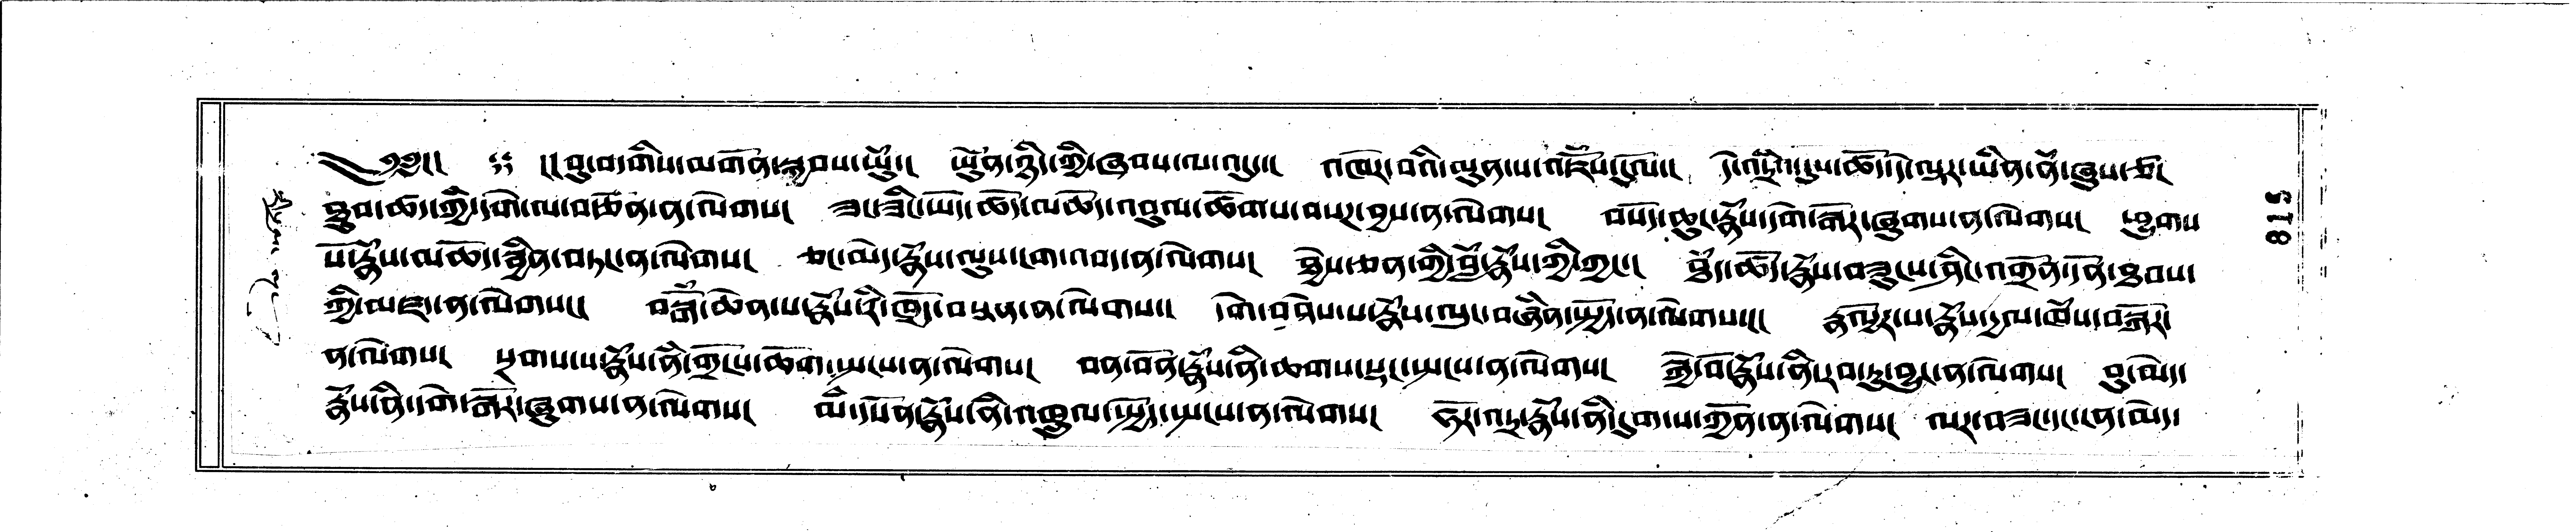བུ་བདག་གི་མགོན་སྐྱབས་ཡུམ། །ཡུམ་ཆེན་ཉིད་ཀྱི་ཞབས་ལ་འདུད། །འཁོར་བའི་མུན་པ་འཇོམ་དུ་གསོལ། །དེ་འདྲའི་དུས་ཚོད་དེ་ལྟར་ཡིན་ནམ་ཞུས་ཙ།
 ཐུབ་ཚད་ཀྱི་དགེ་ལ་བརྩོན་ན་ལེགས། ཟང་ཟིང་ཡོད་ཚོད་མཆོད་འབུལ་ཚོགས་བསགས་བྱས་ན་ལེགས། བསོད་ཆུང་རྣམས་དགེ་སྒོར་ཞུགས་ན་ལེགས། ཕྱུག་
པོ་རྣམས་མཆོད་སྦྱིན་བཏང་ན་ལེགས། ཅང་མེད་རྣམས་ལུས་ངག་འབད་ན་ལེགས། ཐུགས་རྗེ་ཅན་གྱི་བླ་མ་རྣམས་ཀྱིས་ཀྱང་། ཐམས་ཅད་ཚོད་རྣམས་བཟུང་ཞིང་འགྲོ་དོན་ཐབས་
ཀྱིས་མཛད་ན་ལེགས། སྒོམ་ཆེན་པ་རྣམས་རི་ཁྲོད་བརྟེན་ན་ལེགས། དགེ་བཤེས་པ་རྣམས་ལུང་བཞིན་སྤྱོད་ན་ལེགས། རྣལ་འབྱོར་པ་རྣམས་རྒྱལ་ཁམས་བསྐོར་
ན་ལེགས། སྔགས་པ་རྣམས་ནི་གྲོང་ཆོག་སྤངས་ན་ལེགས། བན་བོན་རྣམས་ནི་ཆགས་སྡང་སྤང་ན་ལེགས། སྐྱེ་བོ་རྣམས་ནི་རབ་ཏུ་བྱུང་ན་ལེགས། བུད་མེད་
རྣམས་ནི་དགེ་སྒོར་ཞུགས་ན་ལེགས། མི་དཔོན་རྣམས་ནི་འཁྲུལ་སྤྱོད་སྤང་ན་ལེགས། ཧོར་འདྲ་རྣམས་ནི་དུག་པ་ཀྱོན་༼པོ་གྱོ༽ན་ལེགས། ལར་བཟང་དང་ངན་མེད་